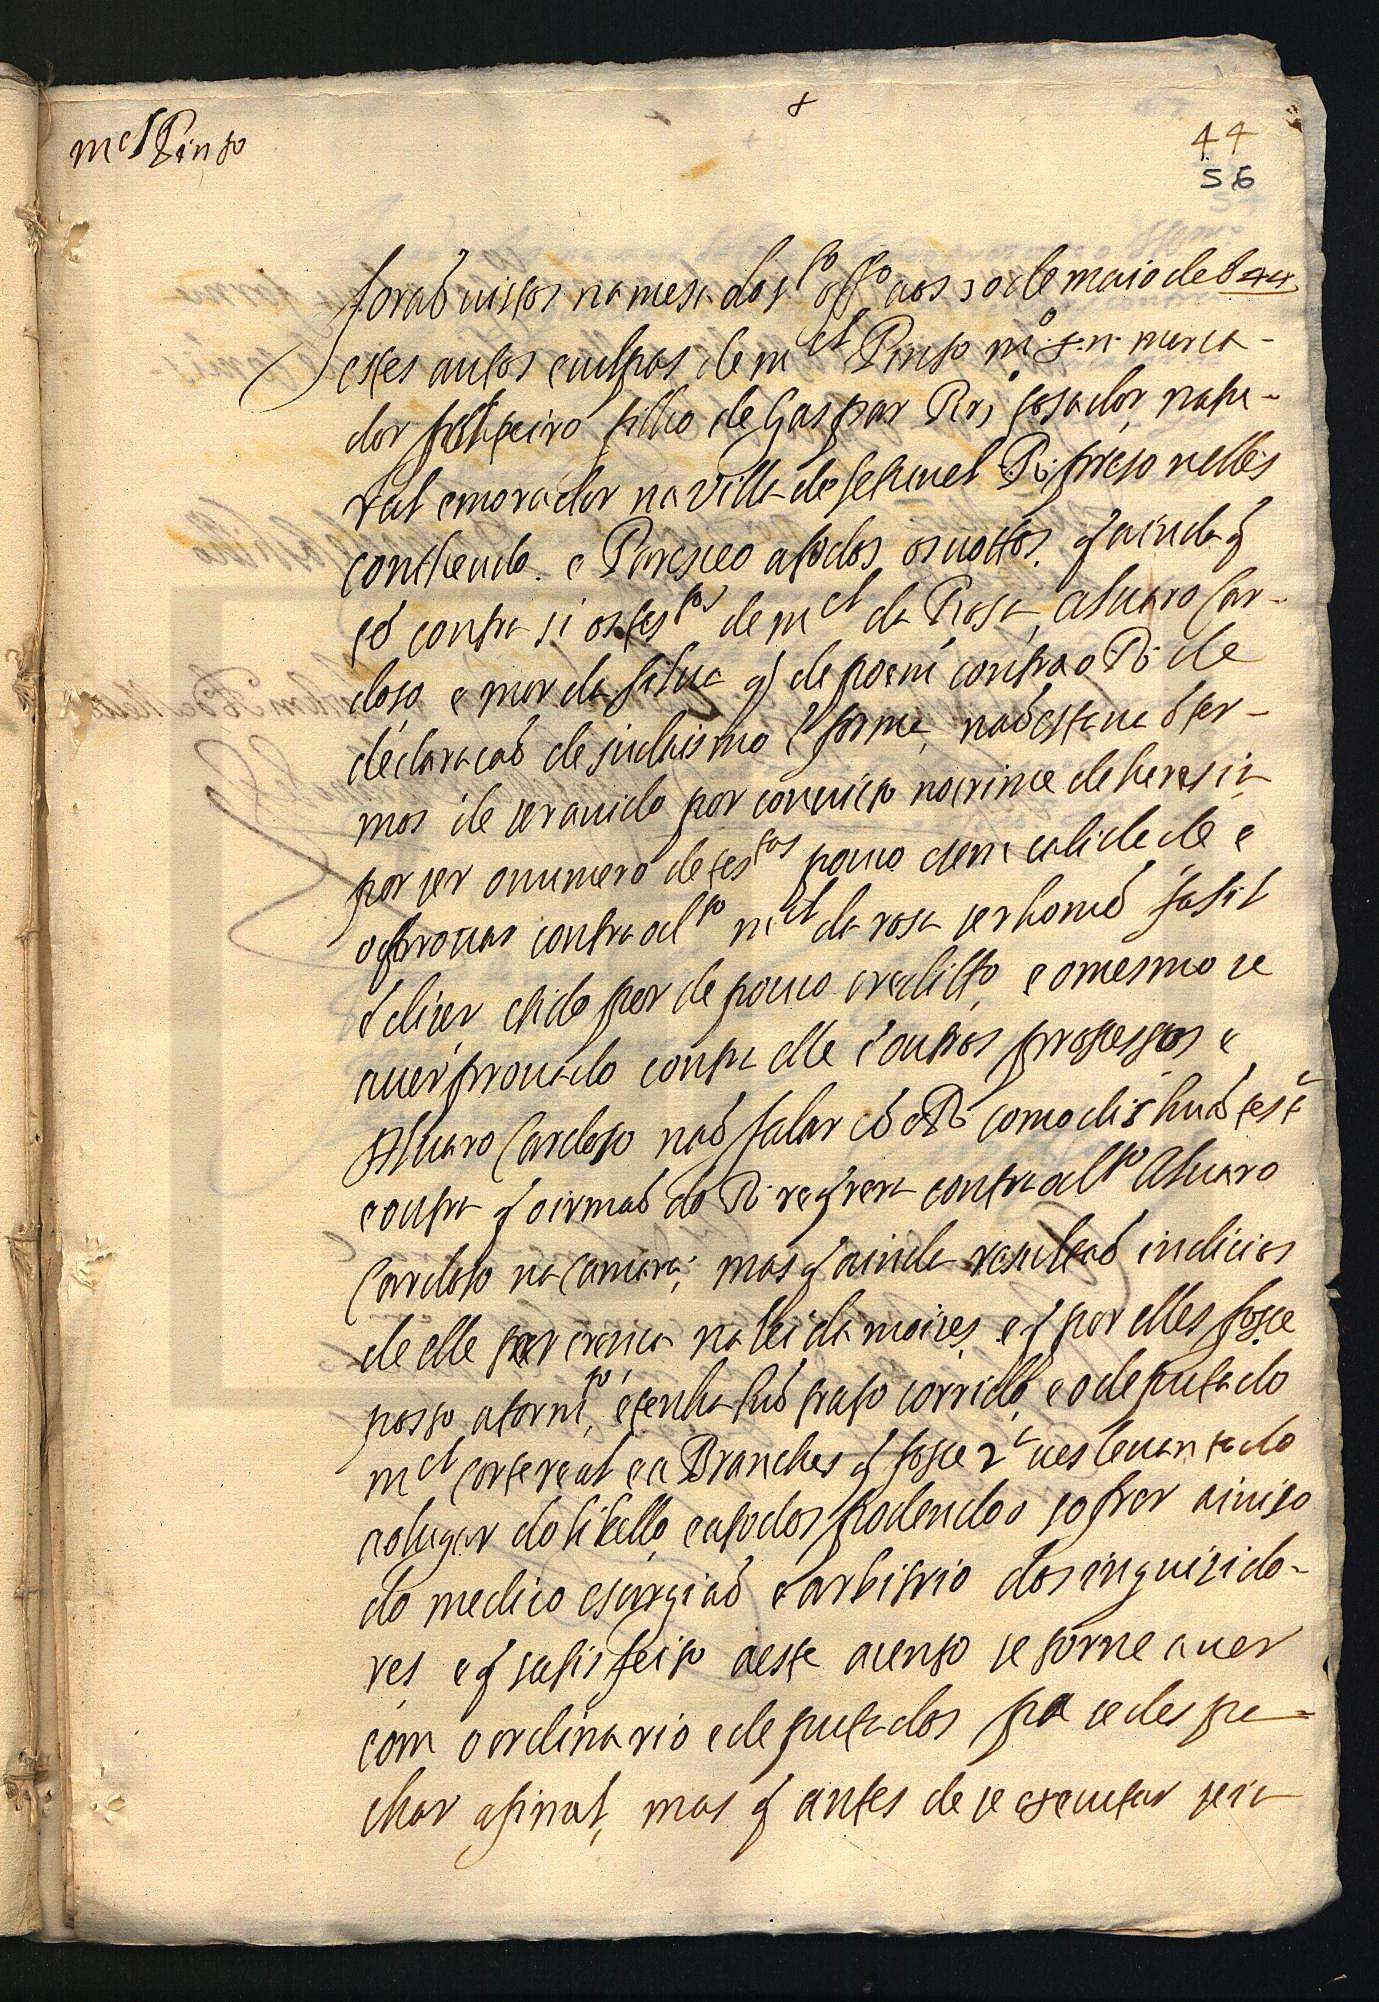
mel Pinto
foraõ uistos na mesa do sto offo aos 30 de maio de 644
estes autos e culpas de mel Pinto mo x.n. merca
dor Solteiro filho de Gaspar Rrs tosador, natu
ral e morador na villa de Setuuel R. preso nelles
contheudo. e Paresceo a todos os uottos. q̄ ainda q̄
tē contra si os testos de mel da Rosa, aluaro Car
doso, e mor da silua q̄ depoem contra o R. de
declaraçaõ de judaismo ē forma, naõ estaua ē ter
mos de ser auido por conuicto no crime de heresia
por ser o numero de testas pouco e sem calidade, e
o prouar contra o dto mel da rosa ser homē fasil
ē dizer, e tido per de pouco creditto, e o mesmo se
auer prouado contra elle ē outros prossessos, e
Aluaro Cardoso naõ falar cō o R como dis huā testa
e outra q̄ o irmaõ do R. req̄rera contra o dto Aluaro
Cardoso na camara; mas q̄ ainda resultaõ indicios
de elle ter crença na lei de moises, e q̄ por elles fosse
posto a torm.to e tenha hū trato corrido, e o deputado
mel cortereal e aBranches q̄ fosse 2a ues leuantado
ao lugar do libello, e a todos podendoo sofrer a iuizo
do medico e surgiaõ e arbitrio dos inquizido
res, e q̄ satisfeito a este acento se torne a uer
com o ordinario e deputados pa se despa
char a final, mas q̄ antes de se executar seia
